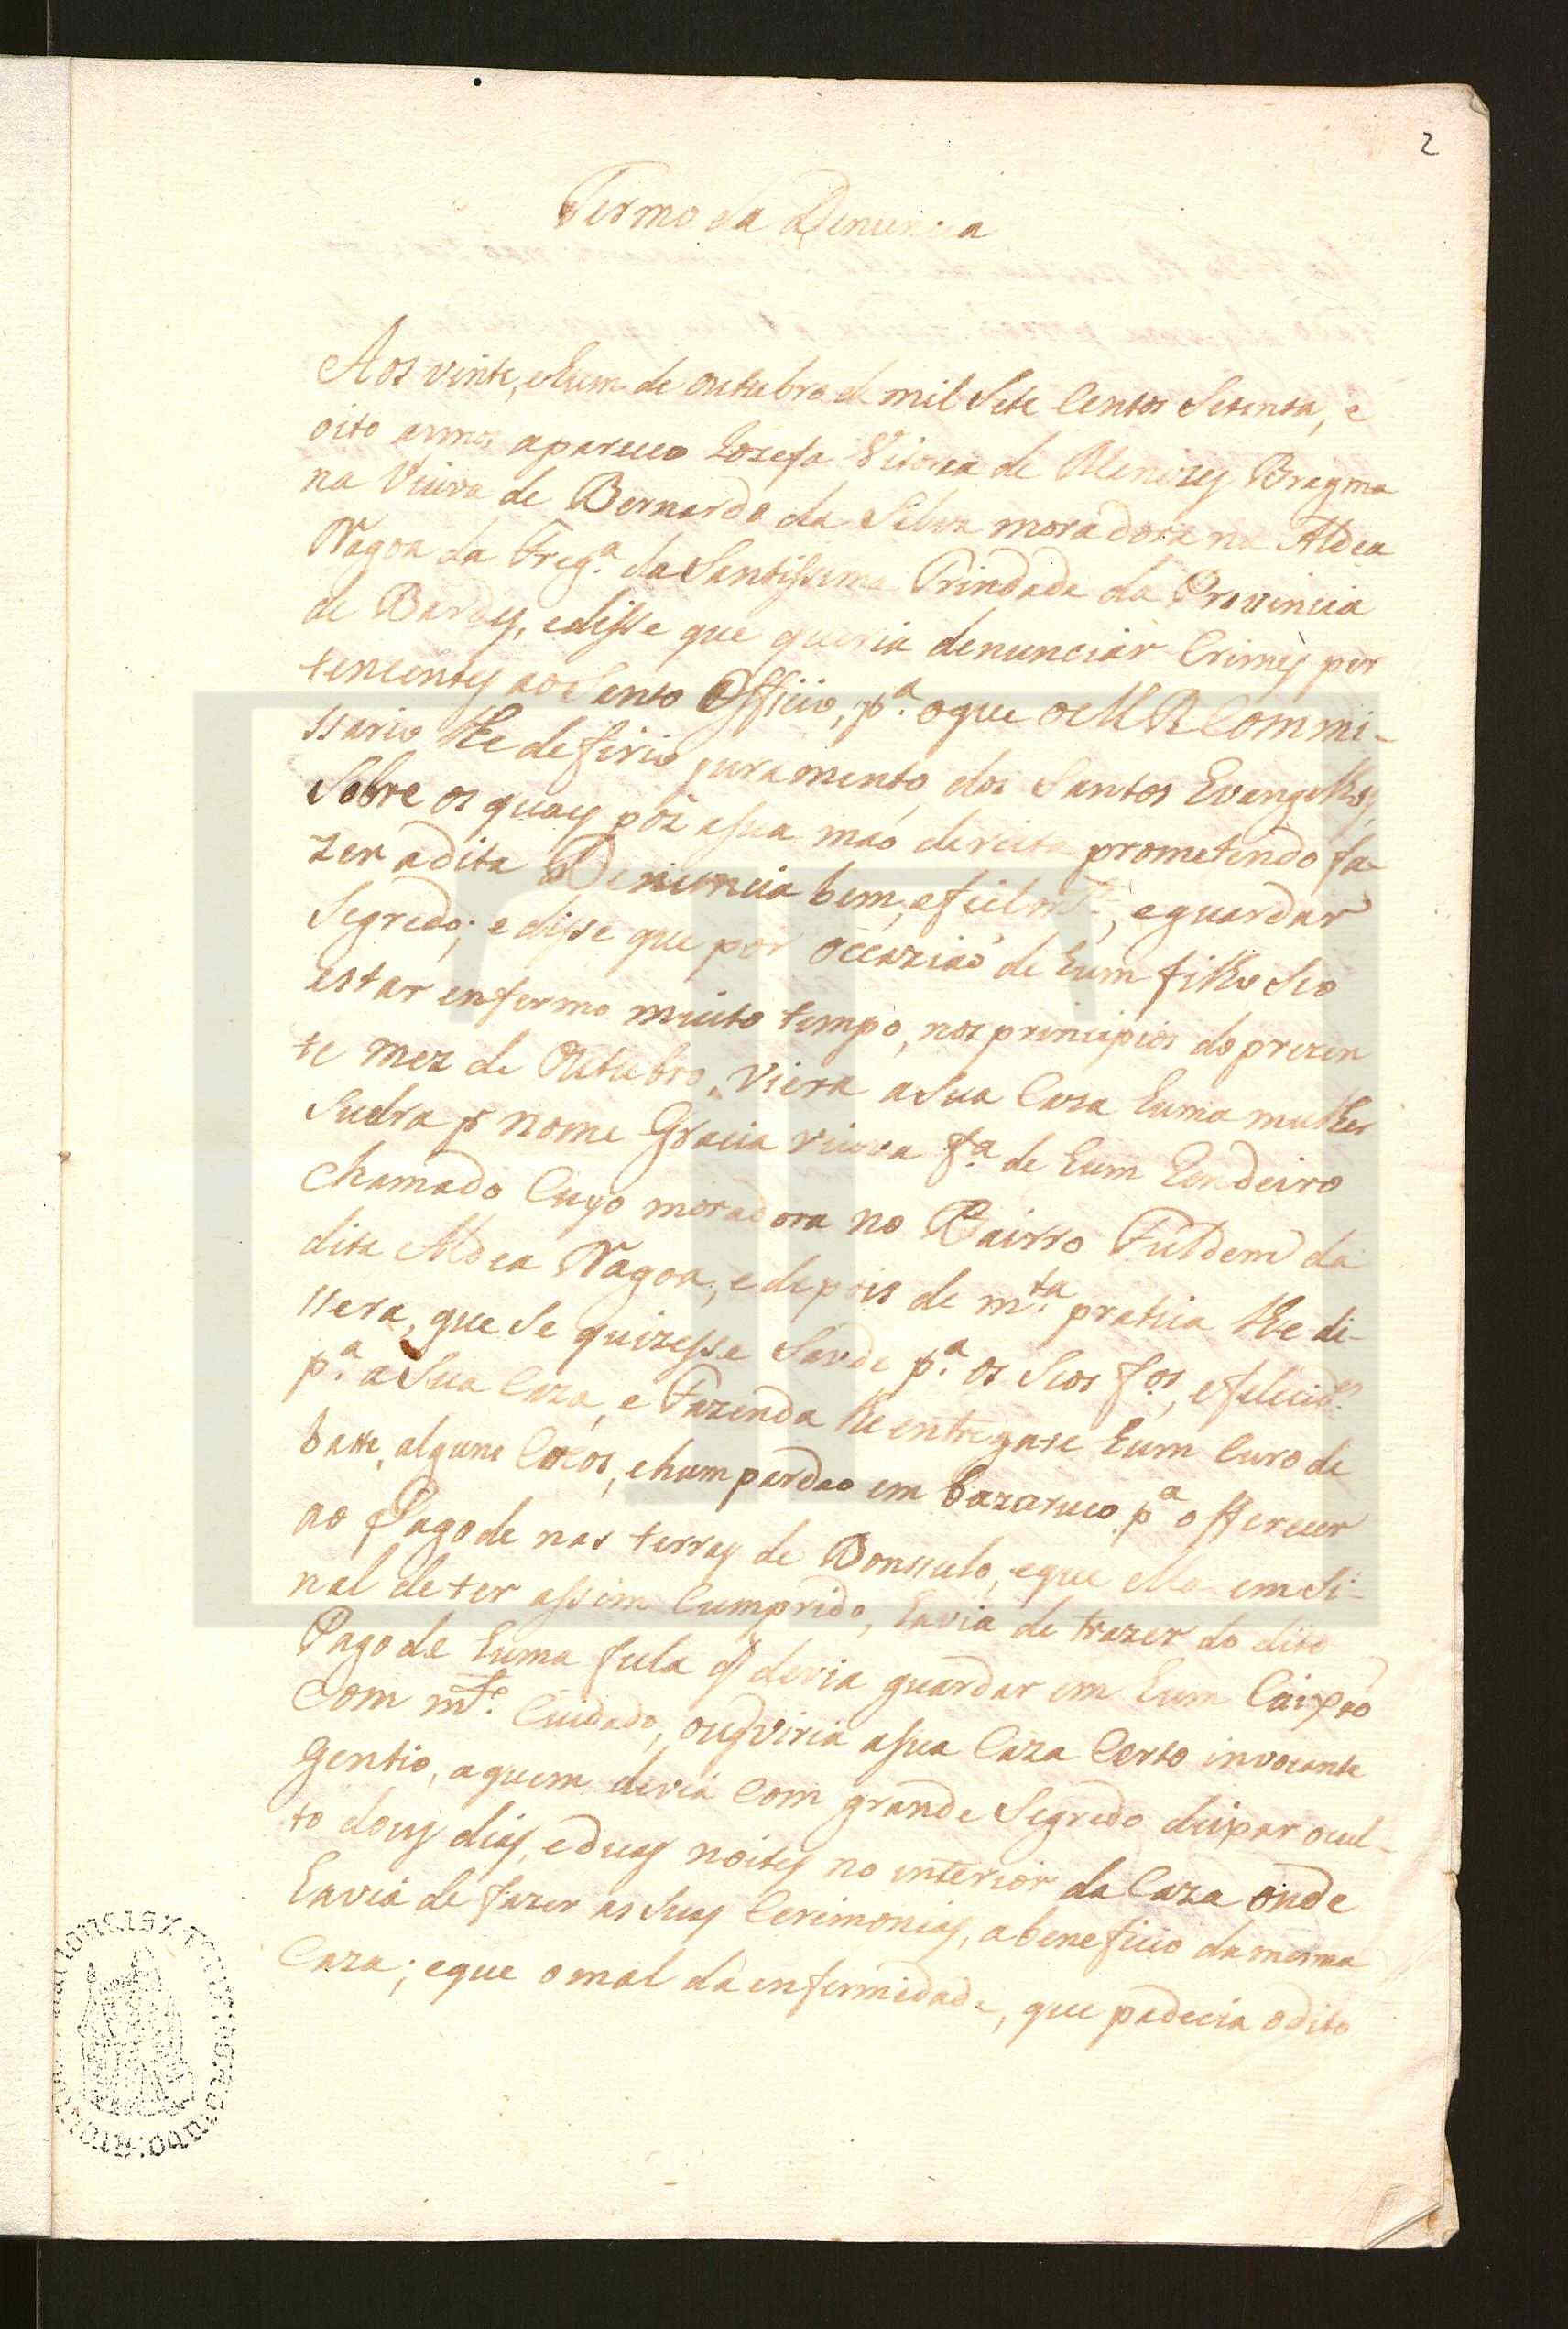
Termo da Denuncia
Aos vinte, e hum de outubro de mil SeteCentos e Setenta, e
oito annos apareceo Iozefa Viuva de Menezes Bragmo
na Viuva de Bernardo da Silva moradora na Aldea
Nagoa da Freg.a da Santissima Trindade da Provincia
de Bardes, e disse que queria denunciar Crimes per
tencentes ao Santo Officio, p.a o que o M R Commi
ssario lhe defirio juramento dos Santos Evangelhos,
Sobre os quaes poz a sua maõ direita prometendo fa
zer a dita Denuncia bem, e fielmt.e, e guardar
Segredo; e disse que por occaziaõ de hum filho Seo
estar infermo muito tempo, nos principios do prezen
te mez de Outubro, viera a Sua Caza huma mulher
sudra pr nome Gracia viuva f.a de hum Rendeiro
chamado Ciryo moradora no Bairro Fuldem da
dita Aldea Nagoa, e depois de m.ta pratica lhe di
ssera, que se quizesse Savde p.a os Seos f.os, e felicid.es
p.a a Sua Caza, e Fazenda lhe entregase hum Curo de
bethe, alguns Cocos, e hum pardao em bazaruco p.a offerecer
ao Pagode nas terras de Donssulo, e que ella em Si
nal de ter assim Cumprido, havia de trazer do dito
Pagode huma fula q̄ devia guardar em hum Caixaõ
com m.to cuidado, ou q̄ viria a sua Caza Certo invocante
gentio, a quem devia com grande Segredo deixar ocul
to dous dias, e duas noites no interior da Caza onde
havia de fazer as suas Cerimonias, a beneficio da mesma
Caza; e que o mal da enfermidade, que padecia o dito
